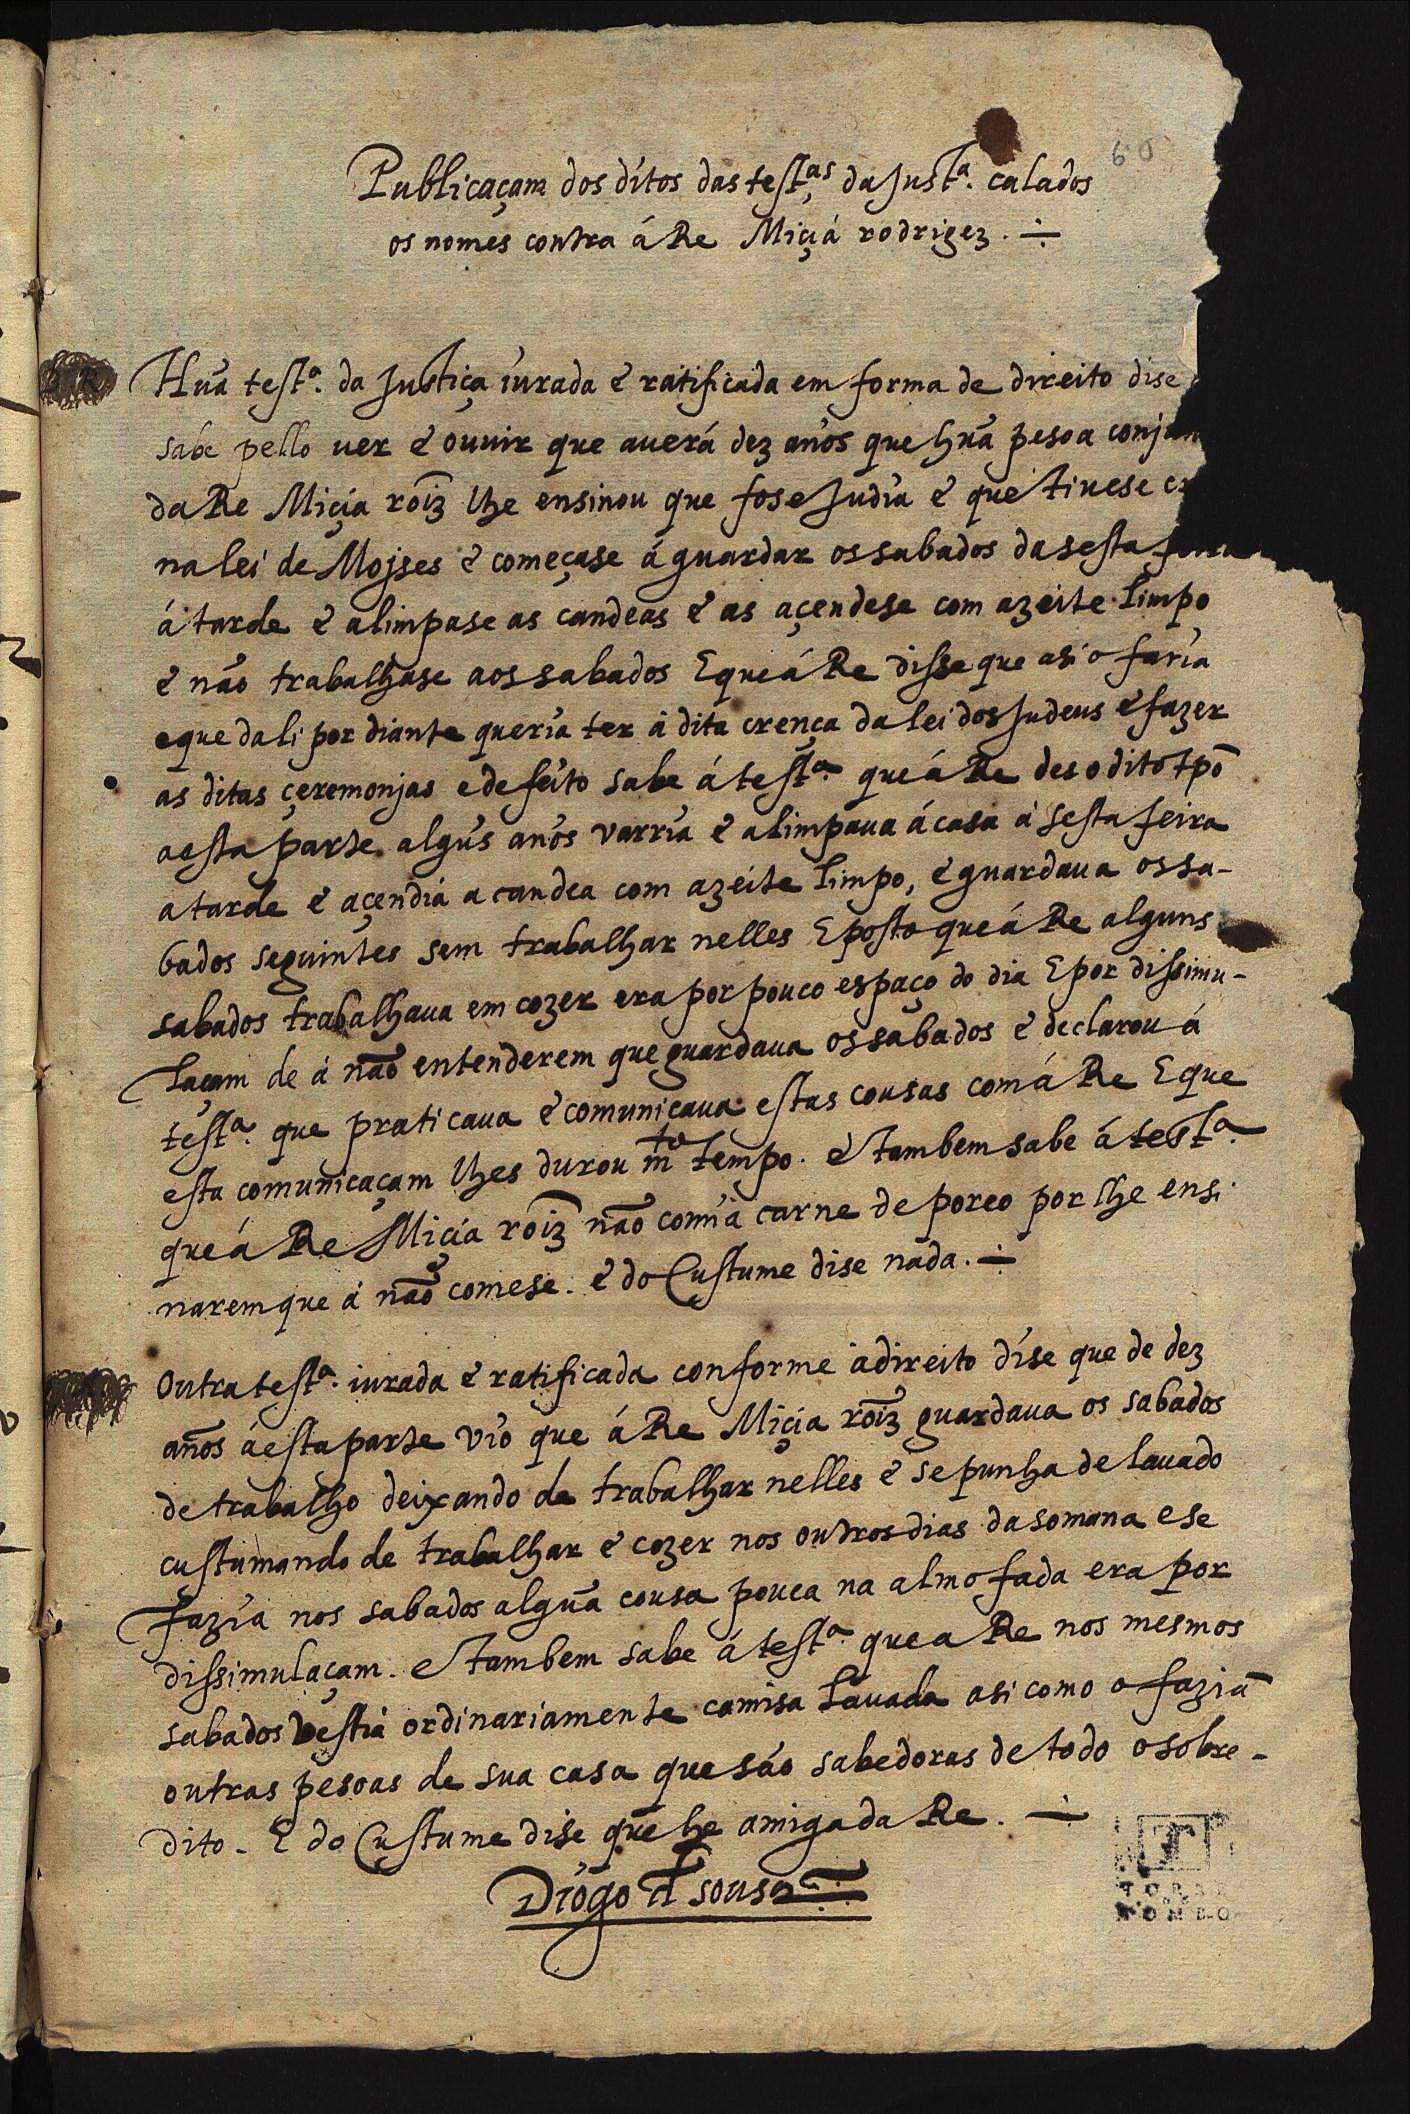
Publicaçam dos ditos das test,as da Justa. calados
os nomes contra á Re Miçiá rodrigez.
Huā testa. da Justiça iurada e ratificada em forma de direito dise
sabe pello uer e ouuir que auerá dez anōs que huā pesoa conj
da Re Miçia roīz lhe ensinou que fose Judiā e que tiuese c
na lei de Mojses e começase á guardar os sabados da sesta f
á tarde e alimpase as candeas e as açendese com azeite limpo
e não trabalhase aos sabados E que á Re disse que asi o faria
e que dali por diante queria ter a dita crença da lei dos Judeus e fazer
as ditas çeremonjas e defeito sabe á test.a que á Re des o dito tpō
a esta parte algūs anōs varria e alimpaua á casa à sesta feira
a tarde e açendia a candea com azeite limpo, e guardaua os sa
bados seguintes sem trabalhar nelles E posto que á Re alguns
sabados trabalhaua em cozer era por pouco espaço do dia E por dissimu
laçam de a não entenderem que guardaua os sabados e declarou á
testa. que praticaua e comunicaua estas cousas com a Re E que
esta comunicaçam lhes durou mto tempo. e tambem sabe á testa.
que á Re Miçia roīz não comia carne de porco por lhe ensi
narem que a não comese. e do Custume dise nada.
Outra testa. iurada e ratificada conforme a direito dise que de dez
anōs á esta parte vio que á Re Miçia roīz guardaua os sabados
de trabalho deixando de trabalhar nelles e se punha de lauado
custumando de trabalhar e cozer nos outros dias da somana e se
fazia nos sabados alguā cousa pouca na almofada era por
dissimulaçam e tambem sabe á testa. que a Re nos mesmos
sabados vestia ordinariamente camisa lauada asi como o faziā
outras pesoas de sua casa que são sabedores de todo o sobre
dito. E do Custume dise que he amiga da Re.
